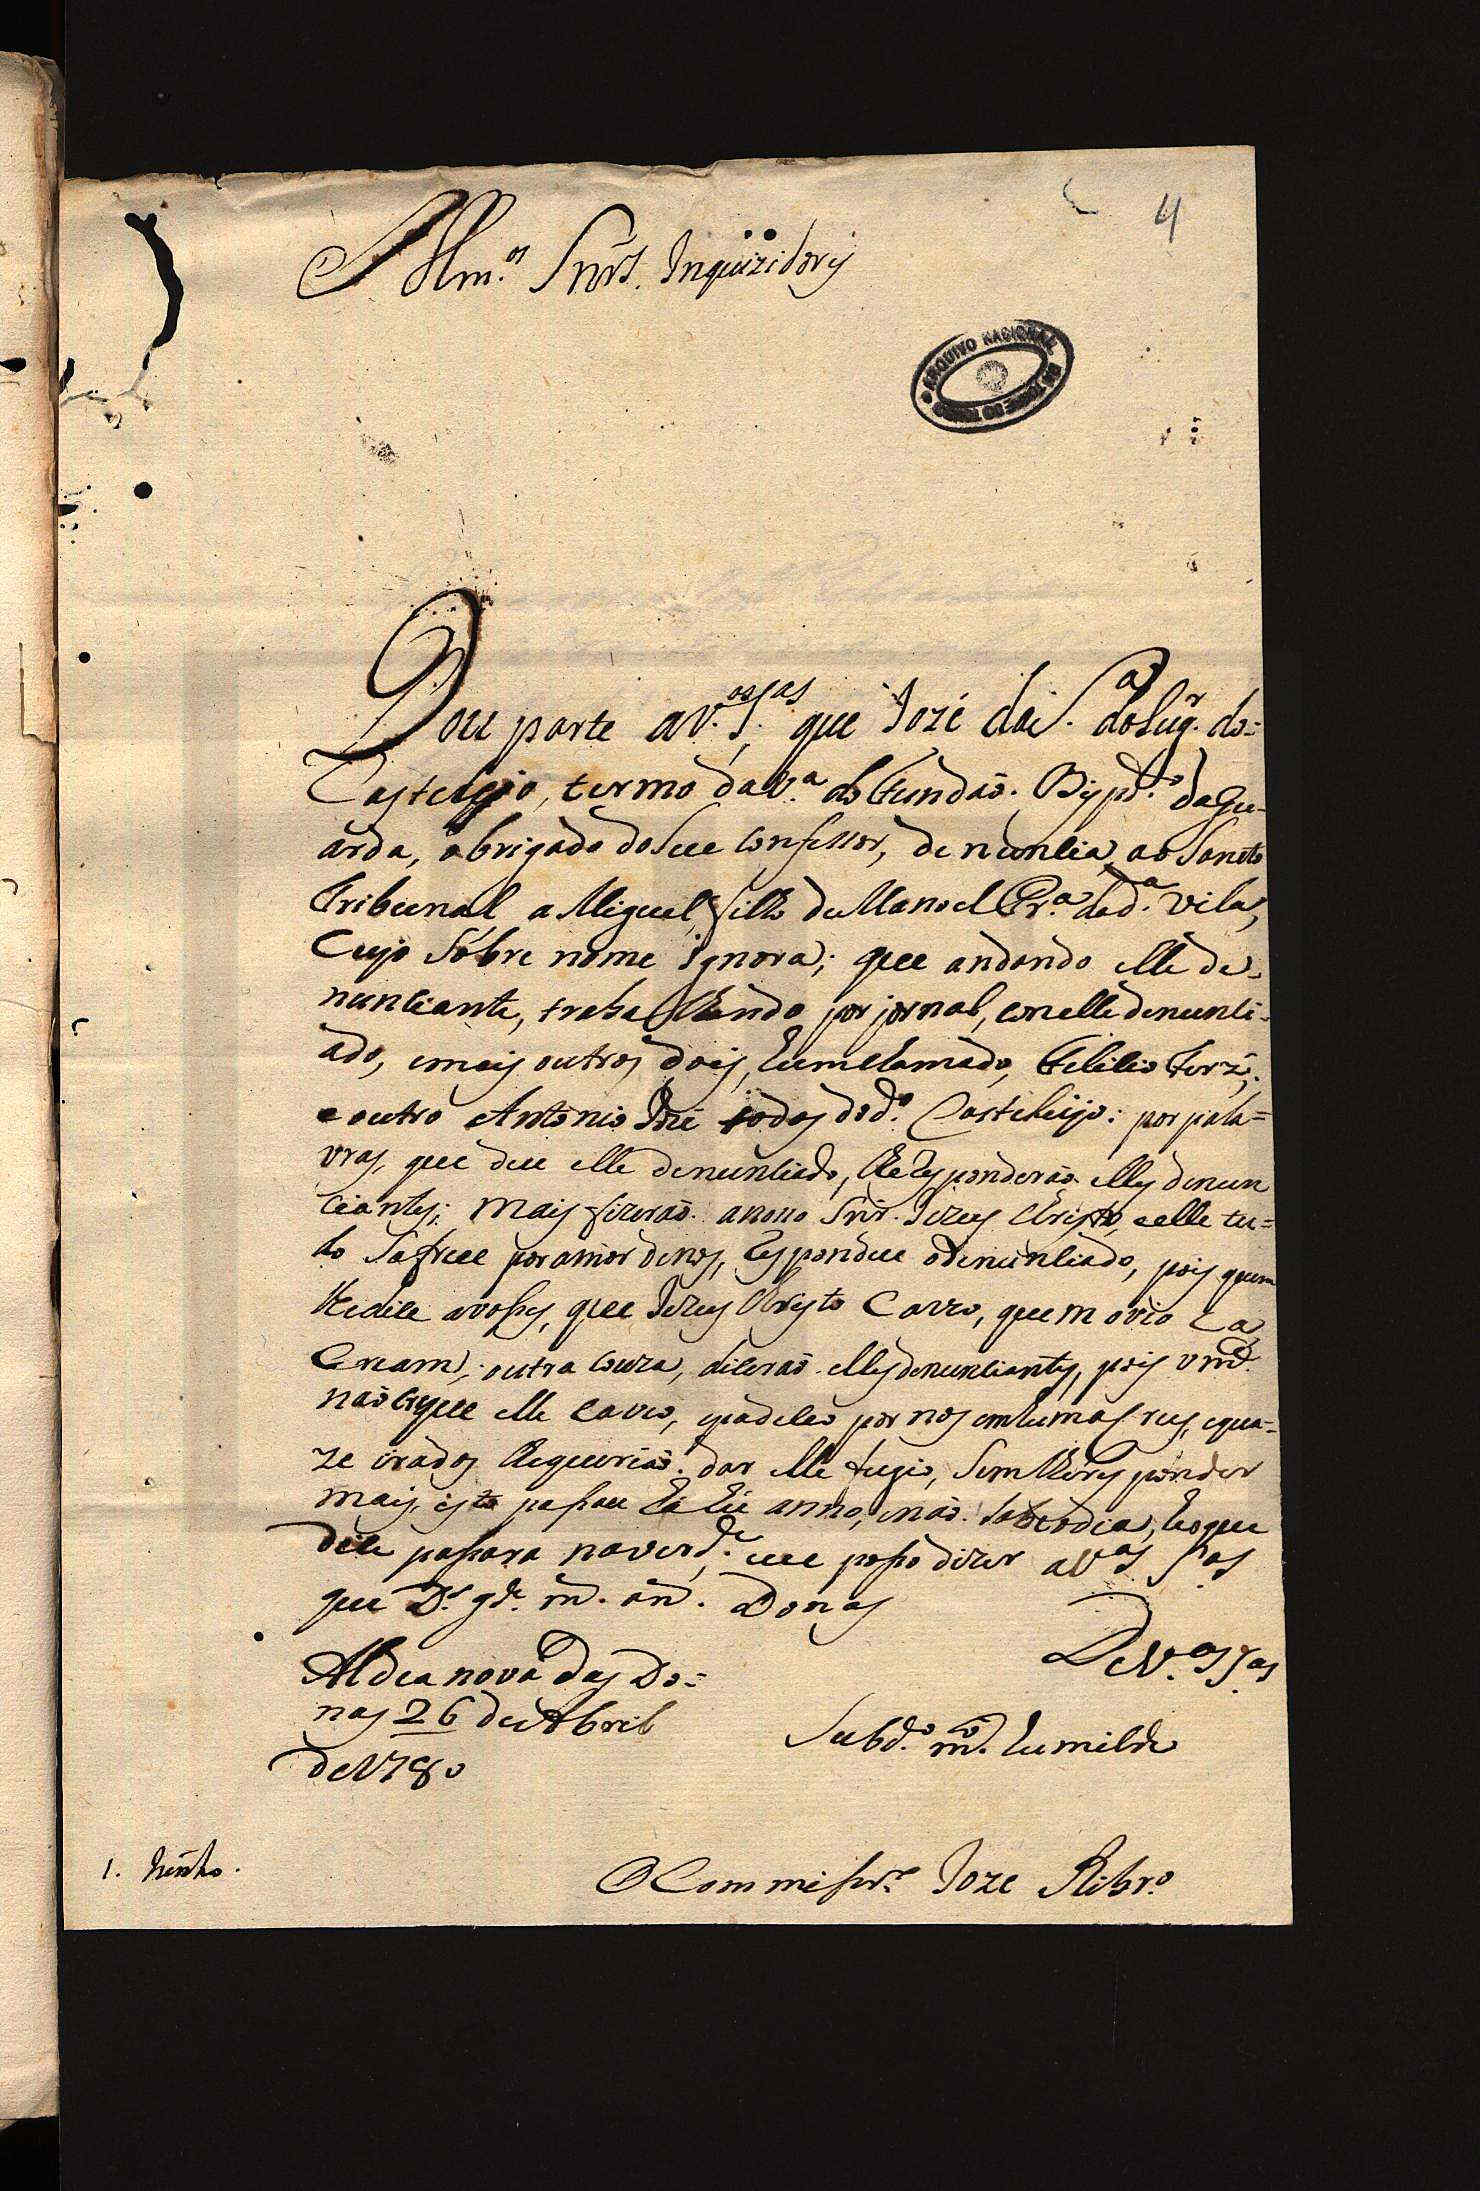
1. Iuñho.
Illm.os Snr̄s. Inquizidores
Dou parte a v.as s.as que Iozé da S.a do Lug.r do
Castelejo, termo da v.a do Fundaõ. Bispd.o da Gu
arda, obrigado do seu confessor, denuncia, ao Sancto
Tribunal, a Miguel, filho de Manoel Pr.a da d.a vila,
Cujo Sobrenome ignora; que andando elle de
nunciante, trabalhando por jornal, con elle denunci
ado, e mais outros dois, hum chamado, FeliCio Ferz̄;
e outro Antonio Iozé todos do d.o Casteleijo: por pala
vras, que dece elle denunciado, lhe Responderaõ elles denun
ciantes; mais fizeraõ a nosso snr̄ Iezus Christo, e elle tu
do sofreu por amor de nos, Respondeu o denunciado, pois quem
lhe dice a vosses, que Iezus Christo e o veo, quem o vio e a
cream; outra couza, diceraõ elles denunciantes, pois vm.ce
naõ cryece elle e a veo, e padeceo por nos em huma Crus, e qua
ze irados Requeriaõ. dar elle fugio, sem lhe responder
mais, isto passou há hū anno, e naõ. sabe o dia, he o que
dice passara na verd;e e eu posso dizer a Vas S.as
que D.s gd.e m̄ an̄. Donas
De V.as S.as
Aldea nova das Do
nas 26 de Abril
Subd.o m.to humilde
de 1780
O Commissr.o Ioze Ribr.o
